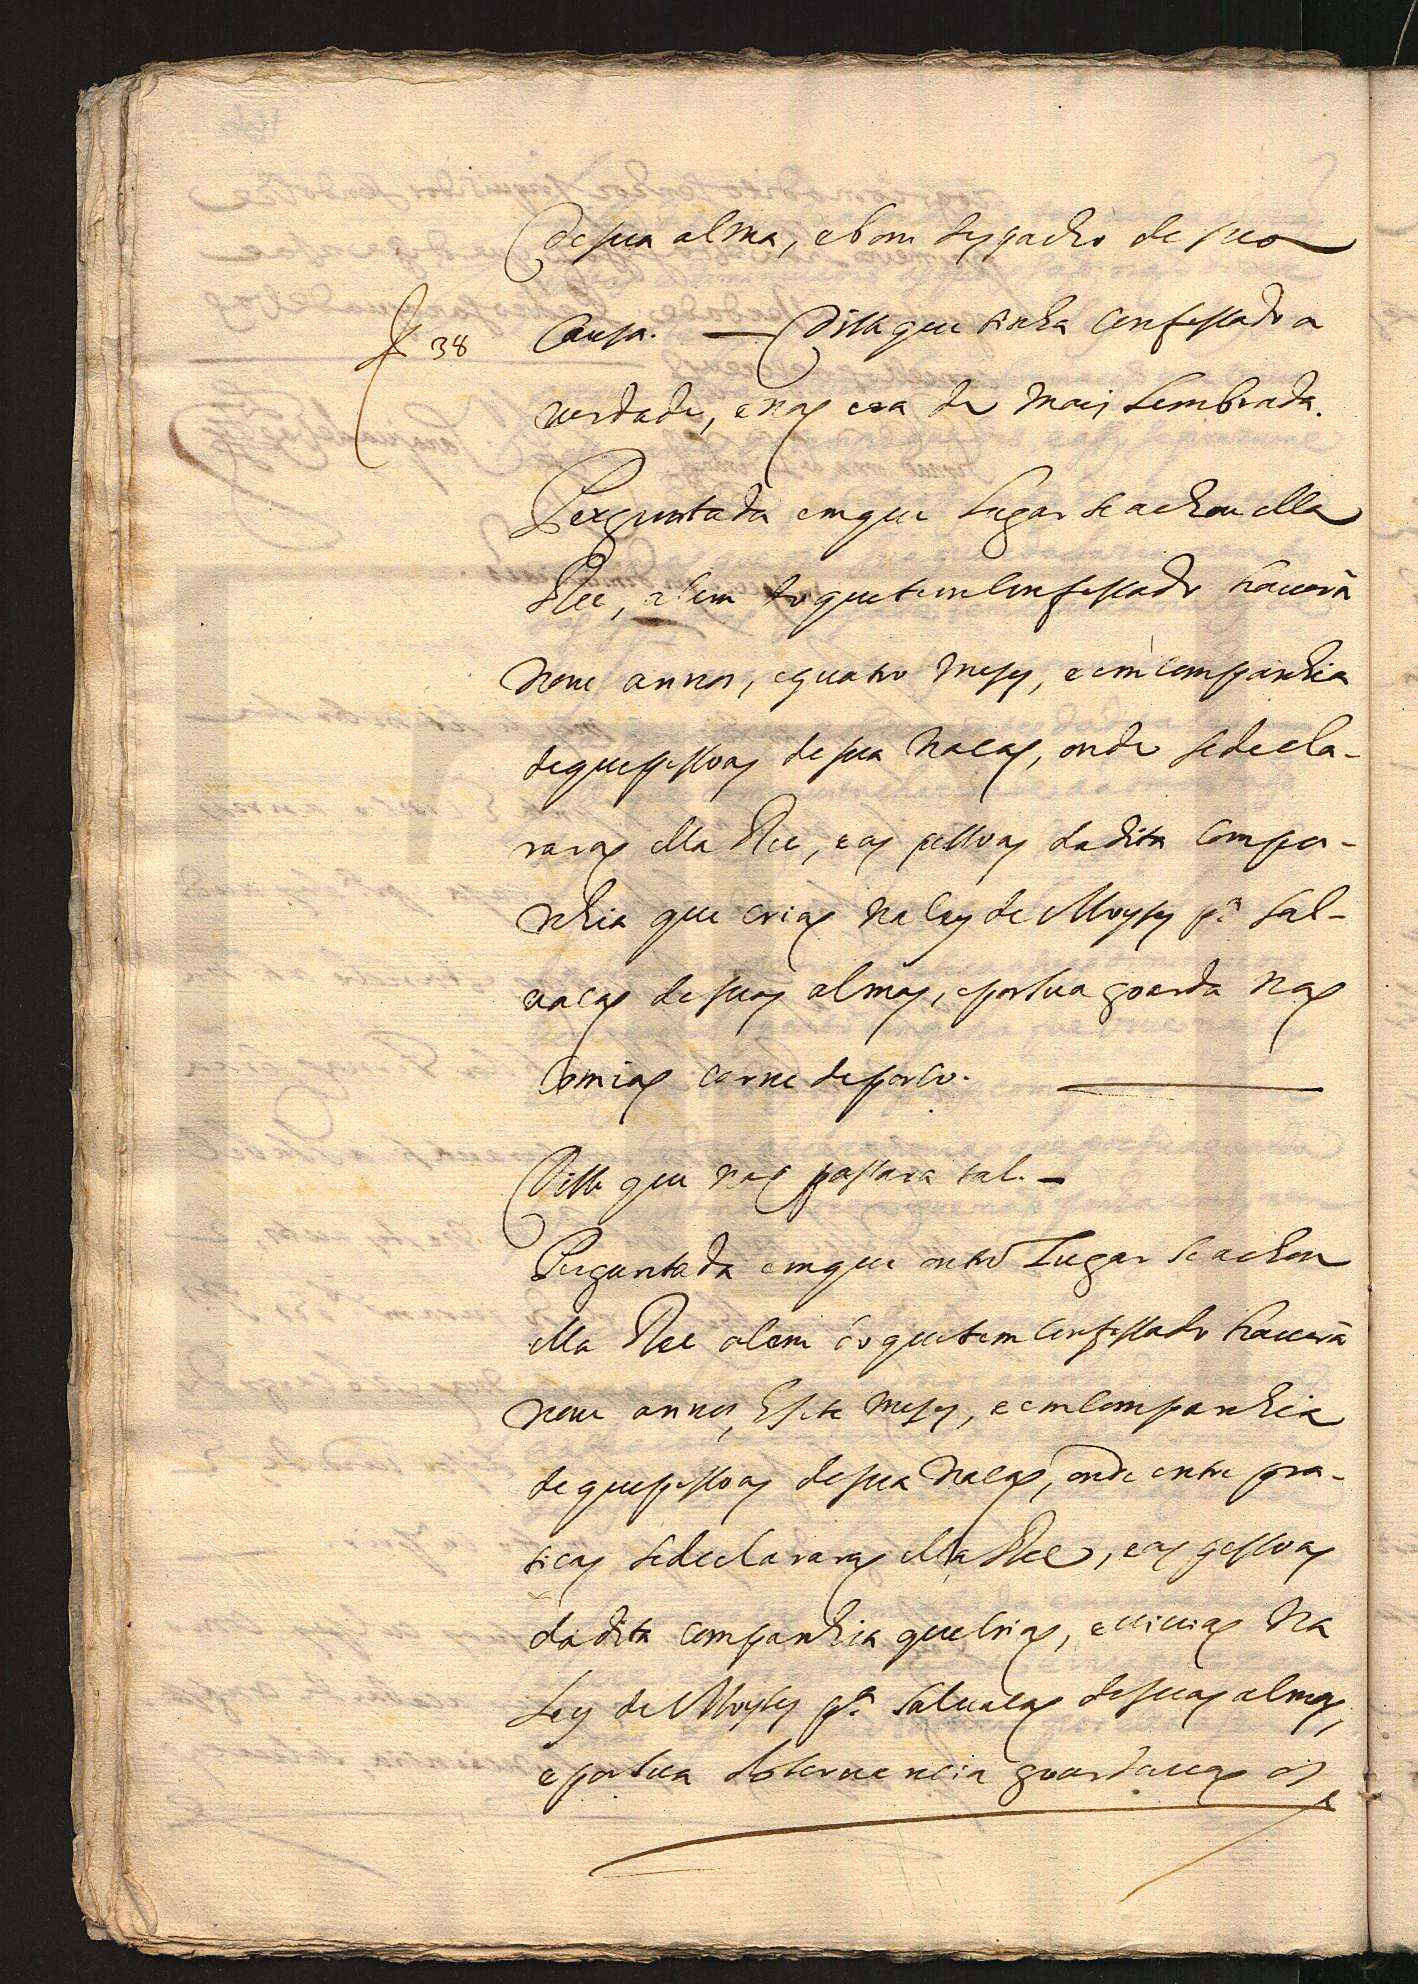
de sua alma, e bom despacho de sua
Causa, — disse que tinha confessado a
uerdade, e naꝭ era de mais Lembrada.
Perguntada em que Lugar se achou ella
Ree, alem do que tem confessado hauerà
Noue annos, e quatro meses, e em companhia
de que pessoas de sua Nacaꝭ, onde se decla
raraꝭ ella Ree, e as pessoas da dita compa
nhia que criaꝭ na ley de Moyses p.a sal
uacaꝭ de suas almas, e por sua goarda naꝭ
comiaꝭ carne de porco.
Disse que naꝭ passara tal. -
Perguntada em que outro Lugar se achou
ella Ree alem do que tem confessado hauerà
Noue annos, E sete mezes, e em companhia
de que pessoas de sua Nacaꝭ, onde entre pra
ticas se declararaꝭ ella Ree, e as pessoas
da dita companhia que criaꝭ, e uiuiaꝭ Na
Ley de Moyses p.a saluacaꝭ de suas almas,
e por sua obseruancia goardauaꝭ os
